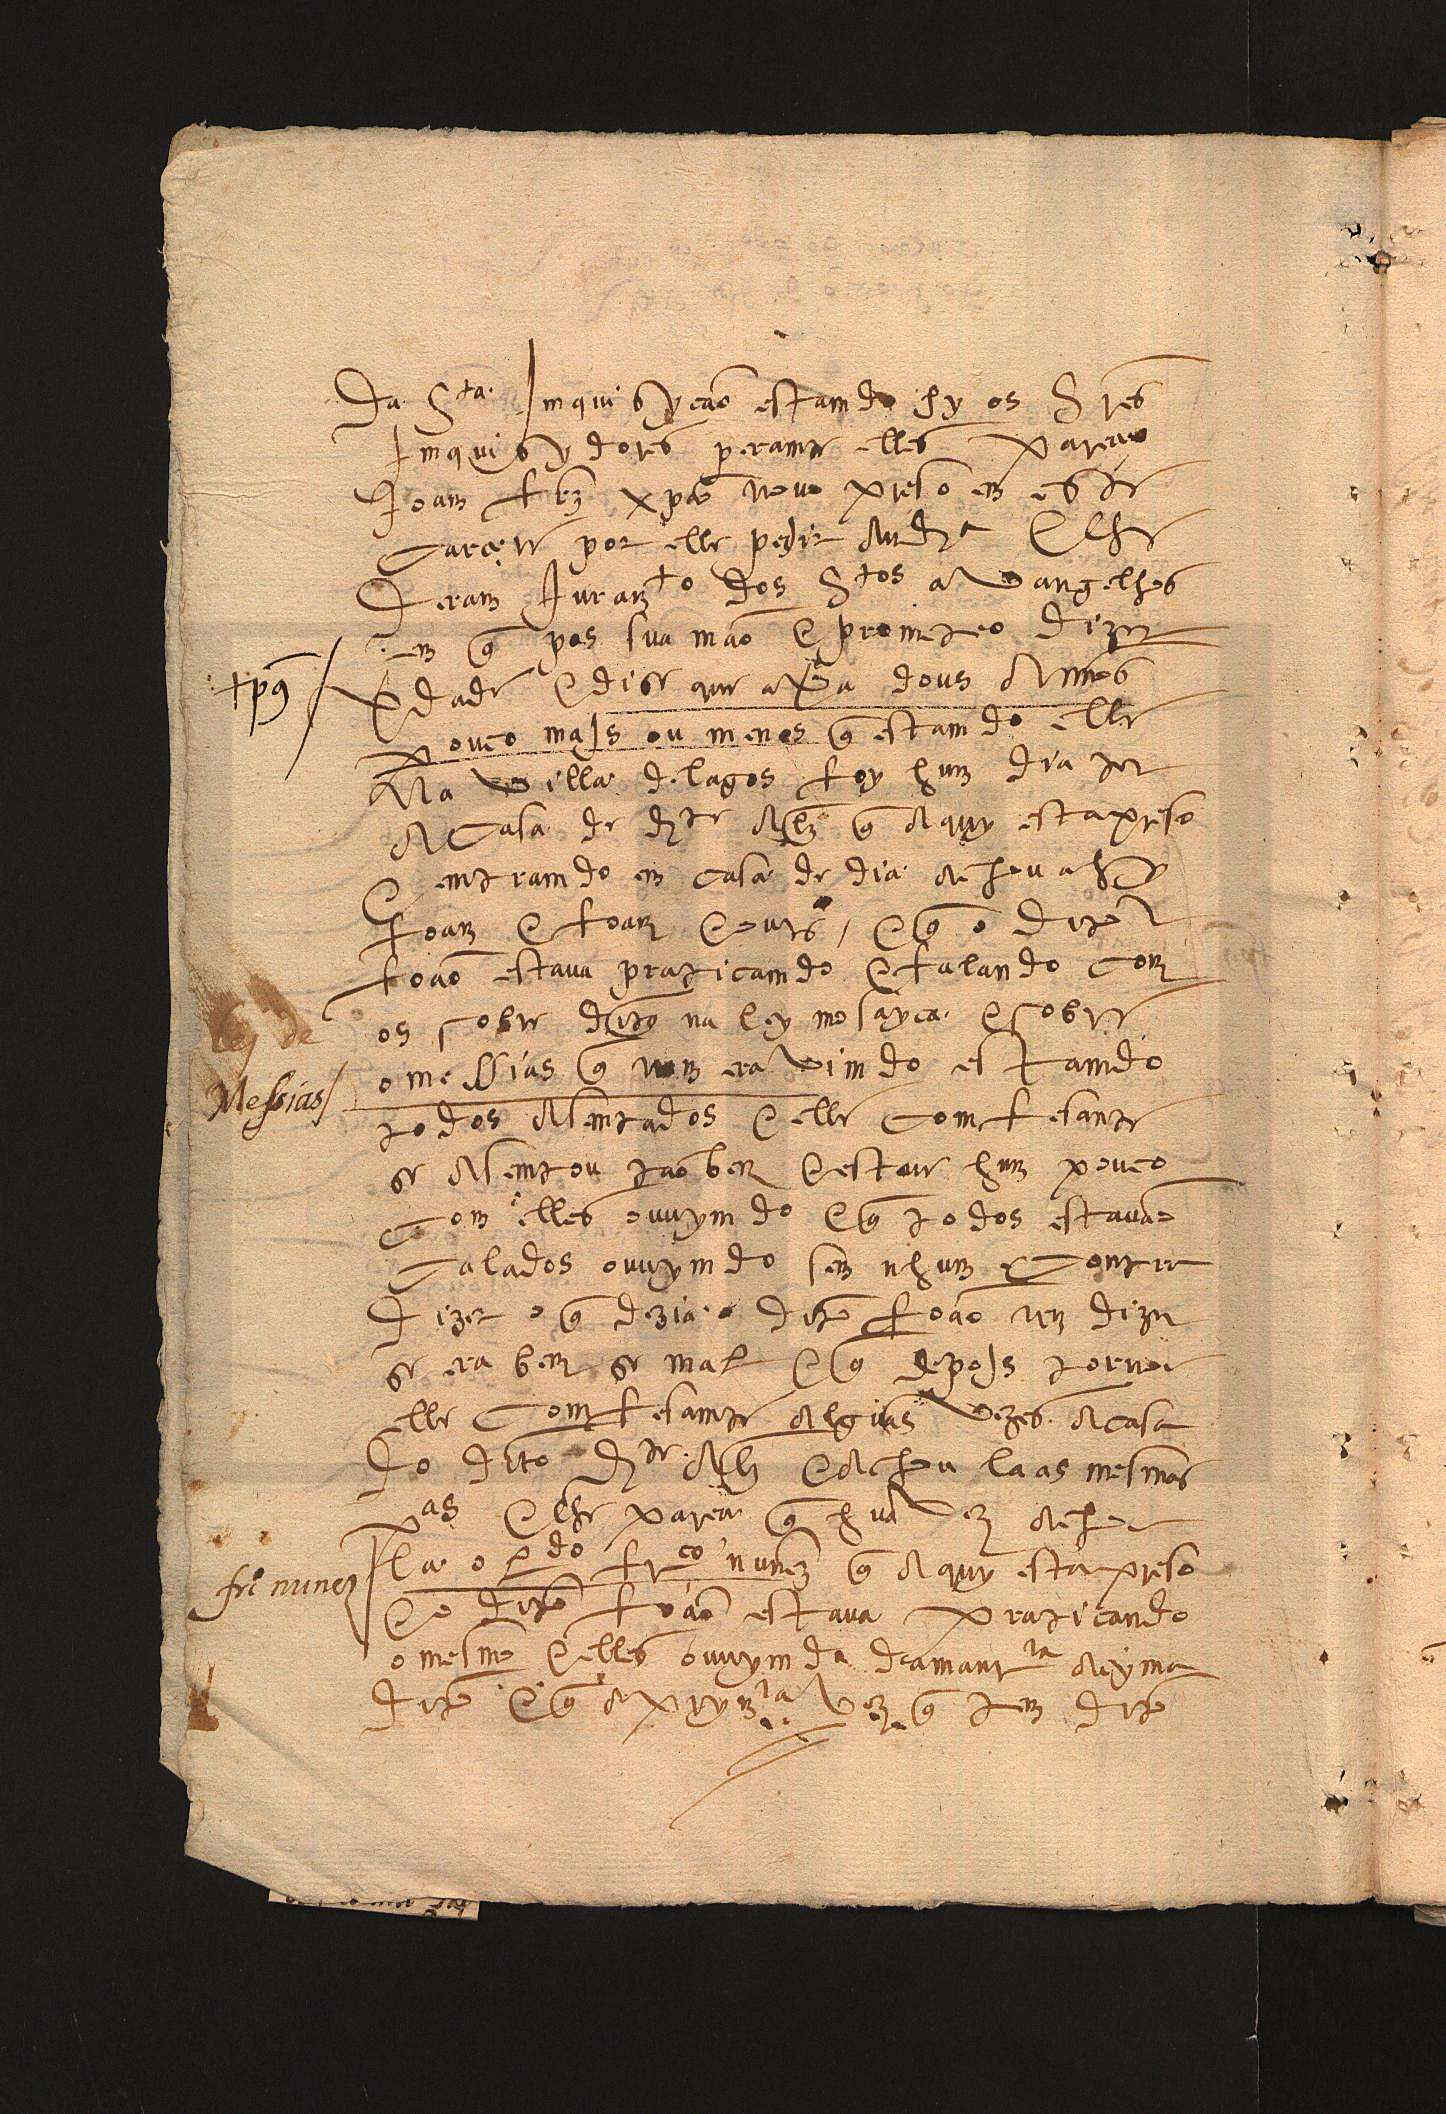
da Sta Jmquisyção estamdo hy os Sr̅es
Jmquisydores peramte elles pareçeo
Joam fr̅z xpa̅o nouo preso em este
carçere por elle pedir Aud̅a e lhe
deram Juramto dos Stos avangelhos
em q̅ pos sua mão e prometeo dizer
ꝟdade e dise que aꝟa dous Ann̅os
pouco majs ou menos q̅ estamdo elle
na villa de lagos foy hum dia ter
A Casa de d̅te Al̅z q̅ Aquy esta preso
e emtramdo em Casa de dia Achou ahy
foam e foam e outos / e q̅ o dito
foão estaua praticamdo e falando com
os sobre di̅tꝯ na ley mosayca . e sobre
o messias q̅ nom era vimdo estamdo
todos Asemtados e elle comfesante
se Asemtou tão bem e esteue hum pouco
com elles ouuymdo e q̅ todos estauão
Calados ouuymdo sem nhum contra
dizer o que dezia o dito foão nem dizer
se era bem se mal e q̅ depojs tornou
elle comfesamte Algu̅as vezes A casa
do di̅to d̅te Al̅z e Achou la as mesmas
pas e lhe pareçe q̅ hu̅a vez Achou
la o Ldo frco nun̅ez q̅ Aquy esta preso
e o dito joão estaua praticando
o mesmo e elles ouuymdo da manera Acyma
dit̅o e q̅ a prymra vez q̅ tem dito
